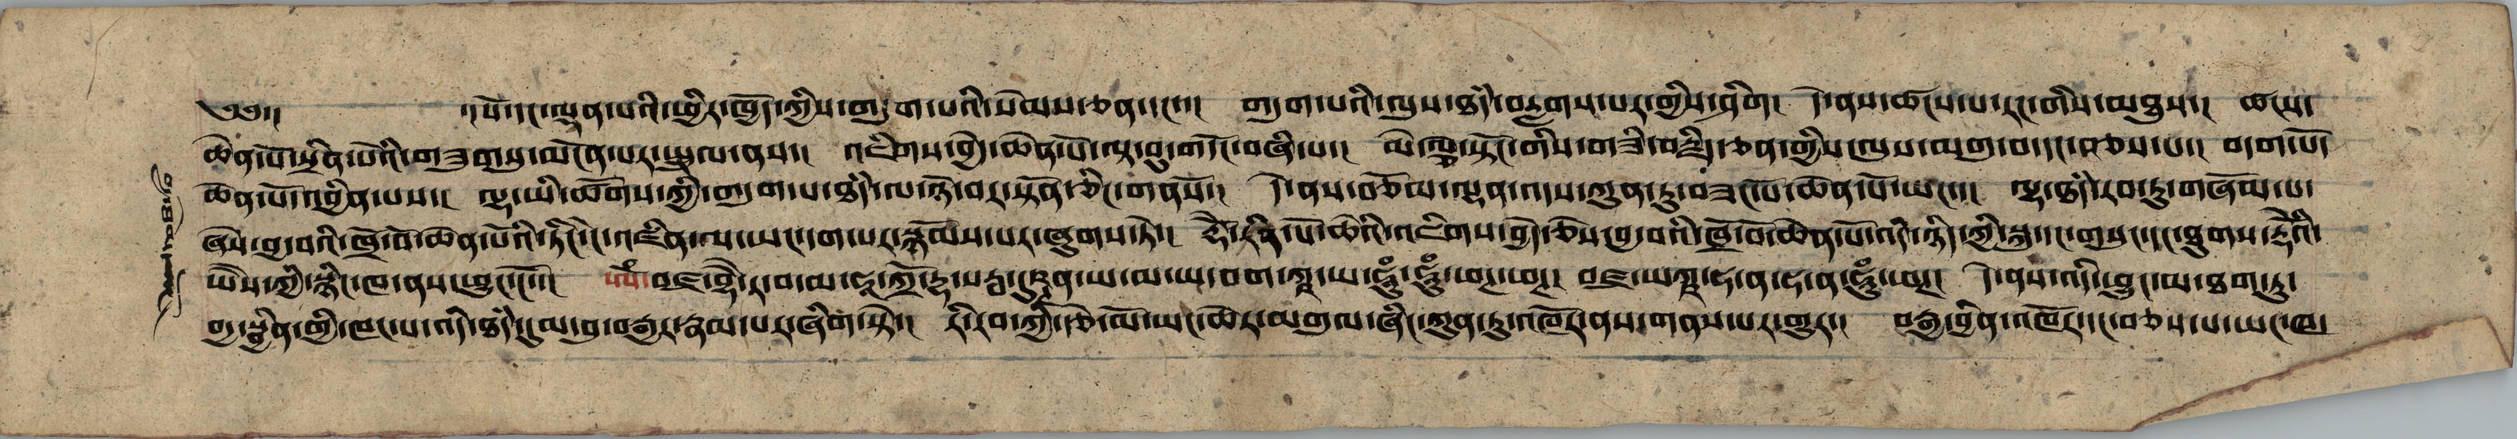༄༅་། ་།པོ་དང་ལྡན་པའི་ཕྱིར་ཁྱོད་ཀྱིས་གདུག་པའི་སེམས་ཅན་དང་་། གདུག་པའི་ལུས་ཐདཾ་བརླགས་པར་གྱིས་ཤིག། དེ་ནས་ཚངས་པ་རང་གིས་མཐུས་། ཚངས་
ཆེན་པོ་སྲིན་པོའི་གཟུགསུ་མངོན་པར་སྤྲུལ་ནས་། འཇིགས་བྱེད་ཆེན་པོ་ལྟ་བུ་གདོང་བཞི་པ་། མེ་ལྕེ་སྟོང་གིས་གཟི་བརྗིད་ཅན་གྱིས་ལུས་མགུ་བ་དང་བཅས་པ་། བདག་པོ་
ཆེན་པོ་འབྱིན་པས་། ལྷ་ཡི་ཚོགས་ཀྱི་གདུག་པ་ཐདཾ་ལ་ཉེ་བར་སྟོན་ཅིང་གནོས་། དེ་ནས་བཅོམ་ལྡན་འདས་ཀུན་ཏུ་བཟང་པོ་ཆེན་པོ་ཡང་་། ལྷ་ཐདཾ་རབ་ཏུ་གཞོམ་པ་
ཞེས་བྱ་བའི་ཁྲོ་བོ་ཆེན་པོའི་ཏིང་ངེ་འཛིན་ལ་ཡང་དག་པར་སྙོམས་པར་ཞུགས་ཏེ་། རྡོེ་རིན་པོ་ཆེའི་འཇིག་བྱེད་ཅེས་བྱ་བའི་ཁྲོ་བོ་ཆེན་པོ་འདི་ཉིད་ཀྱི་སྐུ་དང་གསུང་དང་ཐུགས་རྡོེའི་
ཡཻས་ཀྱི་སྙིང་ཁ་ནས་ཕྱུང་ངོ་་། ཨོཾ་བཛྲ་བྷཻ་ཏ་བ་མ་ཧཱ་ཀྲོ་དྷ་སརྦ་དུཥྚན་ཡ་མ་ཡ་བག་ཀྵ་ཡ་ཧཱུཾ་ཧཱུཾ་ཕཊ་ཕཊ། བཛྲ་ཡཀྵ་ཧ་ན་ཧ་ན་ཧཱུཾ་ཕཊ། དེ་ནས་འདི་ཕྱུང་མ་ཐག་ཏུ་
བདྱ་སྦྱིན་གྱི་ཁང་པ་འདི་ཐཾད་དུམ་བུ་བརྒྱར་རྣམ་པར་ཞིག་སྟེ་། རི་རབ་ཀྱི་རྩེ་མོ་ཡང་ཆེར་མགུལ་ཞིང་ཀུན་ཏུ་འཁོར་ནས་གནས་པར་གྱུར་། བརྒྱ་བྱིན་འཁོར་དང་བཅས་པ་ཡང་ཁ་